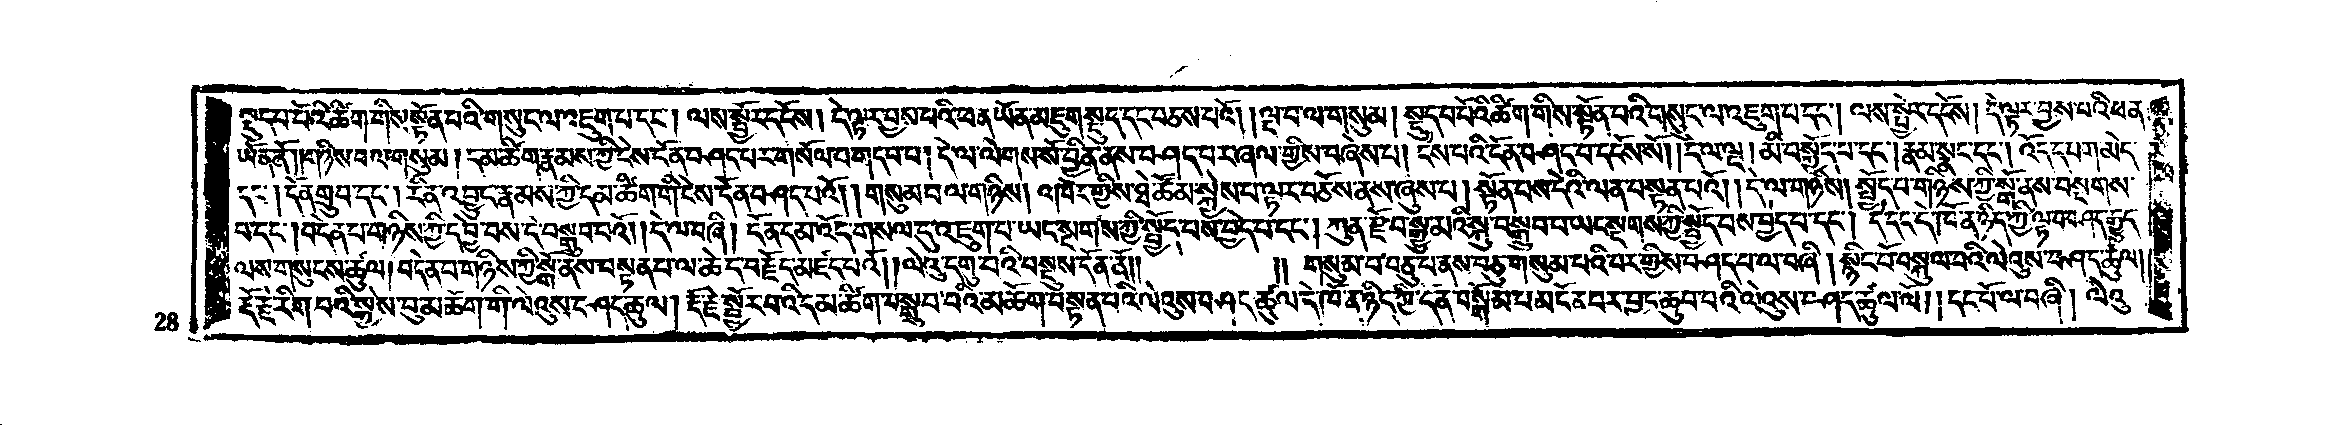སྡུད་པ་པོའི་ཚིག་གིས་སྟོན་པའི་གསུང་ལ་འཇུག་པ་དང་། ལས་སྦྱོར་དངོས། དེ་ལྟར་བྱས་པའི་ཕན་ཡོན་མཇུག་སྡུད་དང་བཅས་པའོ། །ལྔ་པ་ལ་གསུམ། སྡུད་པ་པོའི་ཚིག་གིས་སྟོན་པའི་གསུང་ལ་འཇུག་པ་དང་། ལས་སྦྱོར་དངོས། དེ་ལྟར་བྱས་པའི་ཕན་
ཡོན་ནོ། །གཉིས་པ་ལ་གསུམ། དམ་ཚིག་རྣམས་ཀྱི་ངེས་དོན་བཤད་པར་གསོལ་བ་གདབ་པ། དེ་ལ་ལེགས་སོ་བྱིན་ནས་བཤད་པར་ཞལ་གྱིས་བཞེས་པ། ངེས་པའི་དོན་བཤད་པ་དངོས་སོ། །དེ་ལ་ལྔ། མི་བསྐྱོད་པ་དང་། རྣམ་སྣང་དང་། འོད་དཔག་མེད་
དང་། དོན་གྲུབ་དང་། རིན་འབྱུང་རྣམས་ཀྱི་དམ་ཚིག་གི་ངེས་དོན་བཤད་པའོ། །གསུམ་པ་ལ་གཉིས། འཁོར་གྱིས་ཐེ་ཚོམ་སྐྱེས་པ་ལྟར་བཅོས་ནས་ཞུས་པ། སྟོན་པས་དེའི་ལན་བསྟན་པའོ། །དེ་ལ་གཉིས། སྤྱོད་པ་གཉིས་ཀྱི་སྒོ་ནས་བསྔགས་
པ་དང་། བདེན་པ་གཉིས་ཀྱི་དབྱེ་བས་དེ་བསྒྲུབ་པའོ། །དེ་ལ་བཞི། དོན་དམ་འོད་གསལ་དུ་འཇུག་པ་ཡང་སྔགས་ཀྱི་སྤྱོད་པས་བྱེད་པ་དང་། ཀུན་རྫོབ་སྒྱུ་མའི་སྐུ་བསྒྲུབ་པ་ཡང་སྔགས་ཀྱི་སྤྱོད་པས་བྱེད་པ་དང་། དེ་དང་དེ་ཁོ་ན་ཉིད་ཀྱི་ལྟ་བ་བཤད་རྒྱུ་
ལས་གསུངས་ཚུལ། བདེན་པ་གཉིས་ཀྱི་སྒོ་ནས་བསྟན་པ་ལ་ཆེད་བརྗོད་མཛད་པའོ། །ལེའུ་དགུ་པའི་བསྡུས་དོན་ནོ།། །།གསུམ་པ་བཅུ་པ་ནས་བཅུ་གསུམ་པའི་བར་གྱིས་བཤད་པ་ལ་བཞི། སྙིང་པོ་བསྐུལ་བའི་ལེའུས་བཤད་ཚུལ།
རྡོ་རྗེ་རིག་པའི་སྐྱེས་བུ་མཆོག་གི་ལེའུས་བཤད་ཚུལ། རྡོ་རྗེ་སྦྱོར་བའི་དམ་ཚིག་བསྒྲུབ་པའི་མཆོག་བསྟན་པའི་ལེའུས་བཤད། ཚུལ་དེ་ཁོ་ན་ཉིད་ཀྱི་དོན་བསྒོམ་པ་མངོན་པར་བྱང་ཆུབ་པའི་ལེའུས་བཤད་ཚུལ་ལོ། །དང་པོ་ལ་བཞི། ལེའུ་